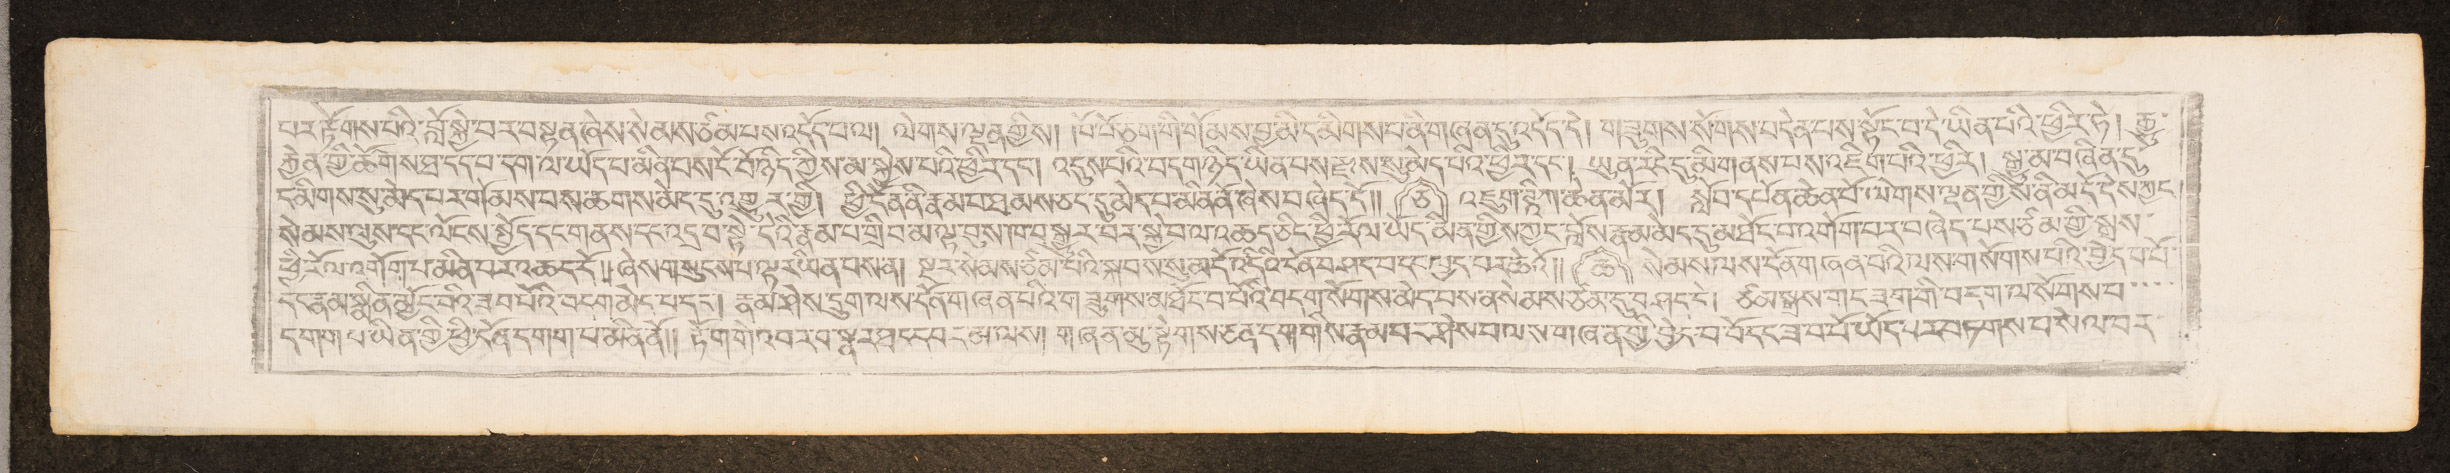པར་རྟོགས་པའི་བློ་སྐྱེ་བར་བསྟན་ཞེས་སེམས་ཙམ་པས་འདོད་པ་ལ། ལེགས་ལྡན་གྱིས། ཁོ་བོ་ཅག་གི་གོམས་བྱ་མི་དམིགས་པ་ནི་གཞན་དུ་འདོད་དེ། གཟུགས་སོགས་བདེན་པས་སྟོང་བ་དེ་ཡིན་པའི་ཕྱིར་ཏེ། རྒྱུ་
རྐྱེན་གྱི་ཚོགས་ཐ་དད་པ་དག་ལ་ཡོད་པ་མིན་པས་ངོ་བོ་ཉིད་ཀྱིས་མ་སྐྱེད་པའི་ཕྱིར་དང་། འདུས་པའི་བདག་ཉིད་ཡིན་པས་རྫུས་སུ་མེད་པའི་ཕྱིར་དང་། ཡུན་རིང་དུ་མི་གནས་པས་འཇིག་པའི་ཕྱིར། སྒྱུ་བཞིན་དུ་
དམིགས་སུ་མེད་པར་གོམས་པས་ཆགས་མེད་དུ་འགྱུར་གྱི། ཕྱི་དོན་ནི་རྣམ་པ་ཐམས་ཅད་དུ་མེད་པ་མིན་ནོ་ཞེས་བཞེད་དོ།། ༼༽ཅ༼༽ འཇུག་ཊཱིཀ་ཆེན་མོར། སློབ་དཔོན་ཆེན་པོ་ལེགས་ལྡན་གྱིས་ནི་མདོ་དེས་ཀྱང་
སེམས་ལུས་དང་ལོངས་སྤྱོད་དང་གནས་དང་འདྲ་བ་སྟེ་དེའི་རྣམ་པ་གྲི་བ་མ་ལྟ་བུས་ཁ་བསྒྱུར་བར་སྐྱེ་བ་ལ་འཆད་ཅིང་ཕྱི་རོལ་མིན་གྱིས་ཀྱང་བློས་རྣམ་མེད་དུ་མཐོང་བ་འགོག་པར་བཞེད་པས་ཙམ་གྱི་སྒྲས་
ཕྱི་རོལ་འགོག་པ་མིན་པར་འཆད་དོ།། ཞེས་གསུགནས་པ་ལྟར་ཡིན་པས་ན། སྔར་སེམས་ཙམ་པའི་སྐབས་སུ་མདོ་འདིའི་དོན་བཤད་པ་དང་ཁྱད་པར་ཆེའོ།། ༼༽ཆ༼༽ སེམས་ལས་དོན་གཞན་པའི་ལས་གསོགས་པའི་བྱེད་པ་པོ་
དང་རྣམ་སྨིན་མྱོང་བའི་ཟབ་པོའི་བདག་མེད་པ་དང་། རྣམ་ཤེས་དྲུག་ལས་དོན་གཞན་པའི་གཟུགས་མཐོང་བ་པོའི་བདག་སོགས་མེད་པས་ན་སེམས་ཙམ་དུ་བཤད་དེ། ཙམ་སྒྲས་གང་ཟག་གི་བདག་ལ་སོགས་པ་
དགག་པ་ཡིན་གྱི་ཕྱི་དོན་དགག་པ་མིན་ནོ།། རྟོག་གེ་འབར་བ་སྣར་ཐད་དཔར་མ་ལས། གཞན་མུ་སྟེགས་ཅན་དག་གིས་རྣམ་པར་ཤེས་པ་ལས་གཞན་གྱི་བྱེད་པ་པོ་ཟ་བ་པོ་ཡོད་པར་བཏགས་པ་སེལ་བར་